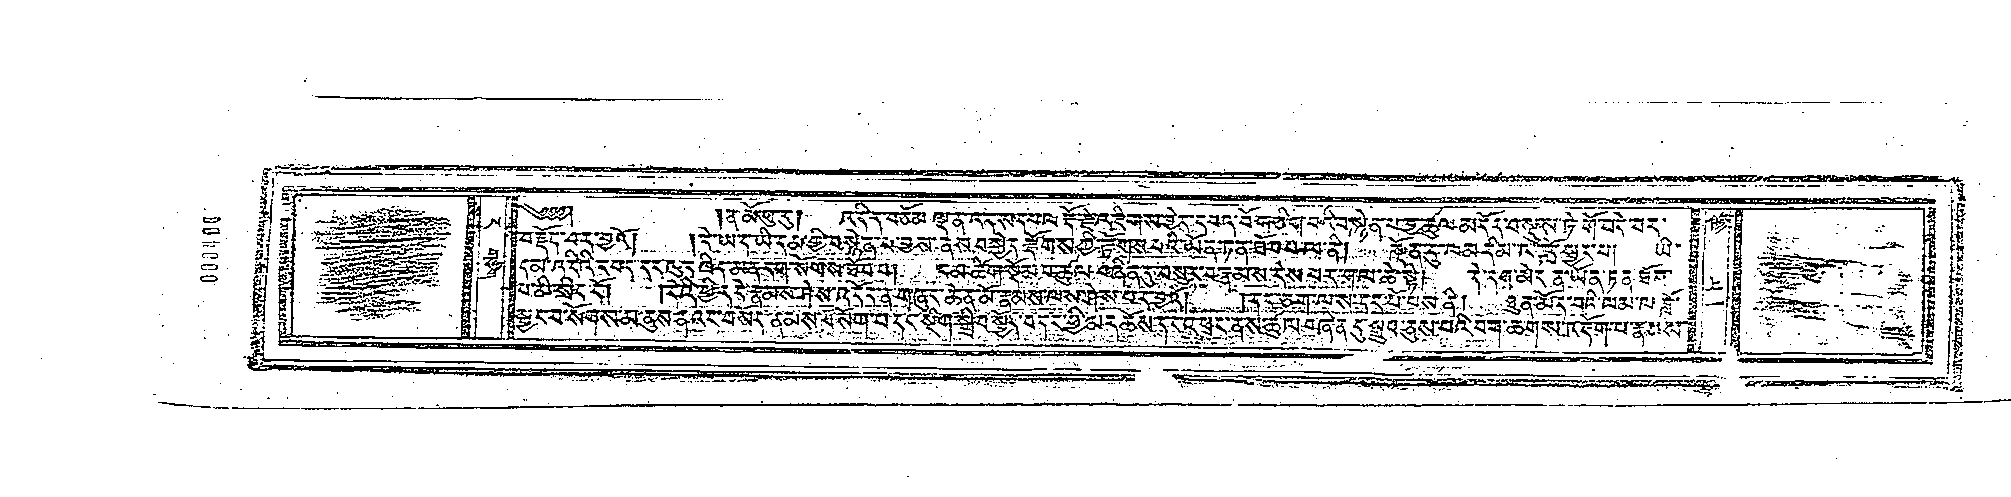༄༅༅། །ན་མོ་གུ་རུ། འདིར་བཅོམ་ལྡན་འདས་དཔལ་རྡོ་རྗེ་འཇིགས་བྱེད་དཔའ་བོ་གཅིག་པའི་བསྙེན་པ་བྱ་ཚུལ་མདོར་བསྡུས་ཏེ་གོ་བདེ་བར་
བརྗོད་བར་བྱའོ། །དེ་ཡང་ཡི་དམ་གྱི་བསྙེན་པ་བྱས་ནས་བསྐྱེད་རྫོགས་ཀྱི་རྟོགས་པའི་ཡོན་ཏན་ཐོབ་པ་ལ་ནི། སྔོན་དུ་ལམ་རིམ་ལ་བློ་སྦྱང་པ། ཡི་
དམ་འདིའི་དབང་དང་ལུང་ཁྲིད་མན་ངག་སོགས་ཐོབ་པ། དམ་ཚིག་སྡོམ་པ་ཚུལ་བཞིན་དུ་བསྲུང་བ་རྣམས་དེས་པར་གལ་ཆེ་སྟེ། དེ་དག་མེད་ན་ཡོན་ཏན་ཐོབ་
པ་མི་སྲིད་དོ། །དེའི་ཕྱིར་དེ་རྣམས་ཤེས་འདོད་ན་གཞུང་ཆེན་མོ་རྣམས་ལས་ཤེས་པར་བྱའོ། །རང་ཅག་ལས་དད་པོ་པས་ནི། ཐུན་མོད་བའི་ལམ་ལ་བློ་
སྦྱང་བ་སོགས་མ་ནུས་ནའང་བསོད་རྣམས་བསོག་པ་དང་སྡིག་སྒྲིབ་སྤྱོད་བ་དང་ཕྱི་མར་ཆོས་དང་འཕྲད་ནས་ཚུལ་བཞིན་དུ་སྒྲུབ་ནུས་པའི་བག་ཆགས་འཇོག་པ་རྣམས་